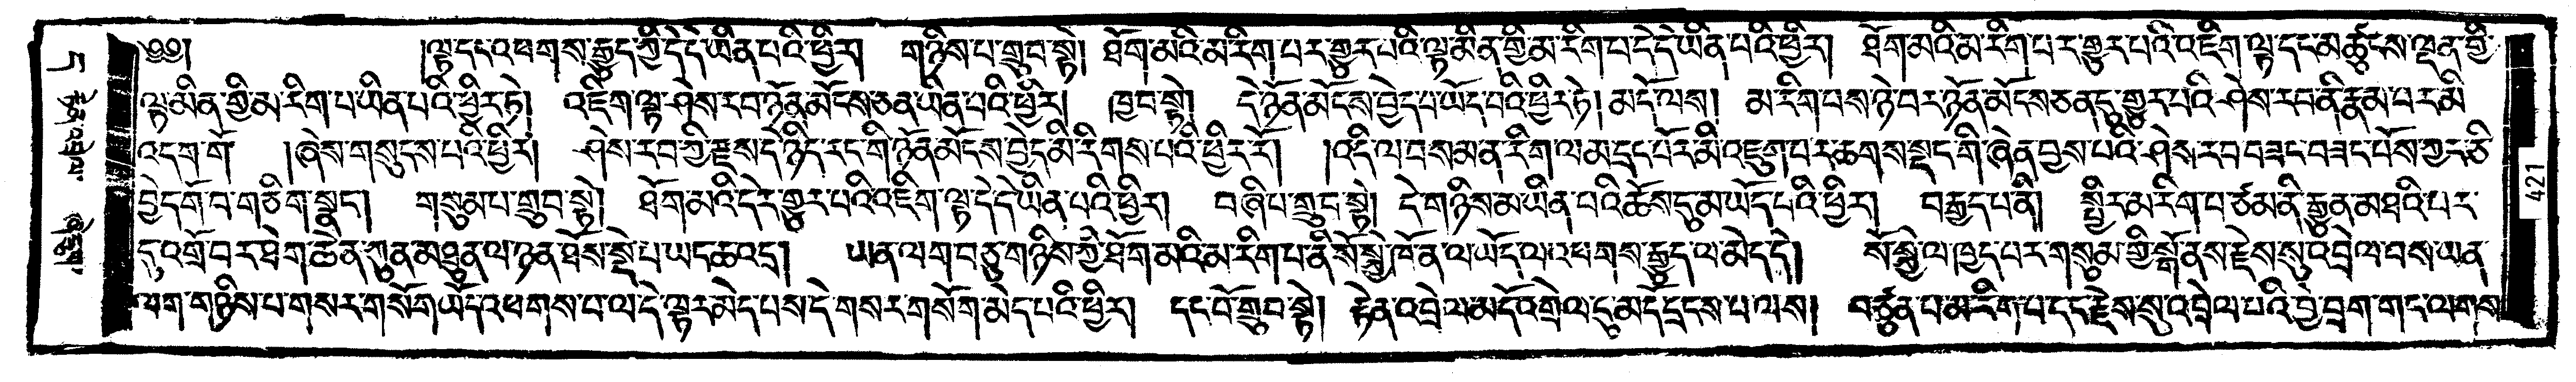༄༅། །ལྟ་དང་འཕགས་རྒྱུད་ཀྱི་དེ་དེ་ཡིན་པའི་ཕྱིར། གཉིས་པ་གྲུབ་སྟེ། ཐོག་མའི་མ་རིག་པར་གྱུར་པའི་ལྟ་མིན་གྱི་མ་རིག་པ་དེ་དེ་ཡིན་པའི་ཕྱིར། ཐོག་མའི་མ་རིག་པར་གྱུར་པའི་འཇིག་ལྟ་དང་མཚུངས་ལྡན་གྱི་
ལྟ་མིན་གྱི་མ་རིག་པ་ཡིན་པའི་ཕྱིར་ཏེ། འཇིག་ལྟ་ཤེས་རབ་ཉོན་མོངས་ཅན་ཡིན་པའི་ཕྱིར། ཁྱབ་སྟེ། དེ་ཉོན་མོངས་བྱེད་པ་ཡོད་པའི་ཕྱིར་ཏེ། མདོ་ལས། མ་རིག་པས་ཉེ་བར་ཉོན་མོངས་ཅན་དུ་གྱུར་པའི་ཤེས་རབ་ནི་རྣམ་པར་མི་
འདག་གོ །ཞེས་གསུངས་པའི་ཕྱིར། ཤེས་རབ་ཀྱི་རྫས་དེ་ཉིད་རང་གི་ཉོན་མོངས་བྱེད་མི་རིགས་པའི་ཕྱིར་རོ། །འདི་ལ་བསམ་ན་རིག་ལམ་དྲང་པོར་མི་འཇུག་པར་ཆགས་སྡང་གི་ཞེན་བྱས་པའི་ཤེས་རབ་བཟང་བཟང་པོས་ཀྱང་ཅི་
བྱེད་གོ་བ་གཅིག་སྣང་། གསུམ་པ་གྲུབ་སྟེ། ཐོག་མའི་དེར་གྱུར་པའི་འཇིག་ལྟ་དེ་དེ་ཡིན་པའི་ཕྱིར། བཞི་པ་གྲུབ་སྟེ། དེ་གཉིས་མ་ཡིན་པའི་ཆོས་དུ་མ་ཡོད་པའི་ཕྱིར། བརྒྱད་པ་ནི། སྤྱིར་མ་རིག་པ་ཙམ་ནི་རྒྱུན་མཐའི་པར་
དུ་འགྲོ་བར་ཐེག་ཆེན་ཀུན་མཐུན་ལ་ཉན་ཐོས་སྡེ་པ་ཡང་ཆ་འདྲ། ཡན་ལག་བཅུ་གཉིས་ཀྱི་ཐོག་མའི་མ་རིག་པ་ནི་སོ་སྐྱེ་ཁོ་ན་ལ་ཡོད་ལ་འཕགས་རྒྱུད་ལ་མེད་དེ། སོ་སྐྱེ་ལ་ཁྱད་པར་གསུམ་གྱི་སྒོ་ནས་རྗེས་སུ་འབྲེལ་བས་ཡན་
ལག་གཉིས་པ་གསར་གསོག་ཡོད་འཕགས་པ་ལ་དེ་ལྟར་མེད་པས་དེ་གསར་གསོག་མེད་པའི་ཕྱིར། དང་པོ་གྲུབ་སྟེ། རྟེན་འབྲེལ་མདོ་འགྲེལ་དུ་མདོ་དྲངས་པ་ལས། བཙུན་པ་མ་རིག་པ་དང་རྗེས་སུ་འབྲེལ་པའི་བྱེ་བྲག་གང་ལགས་